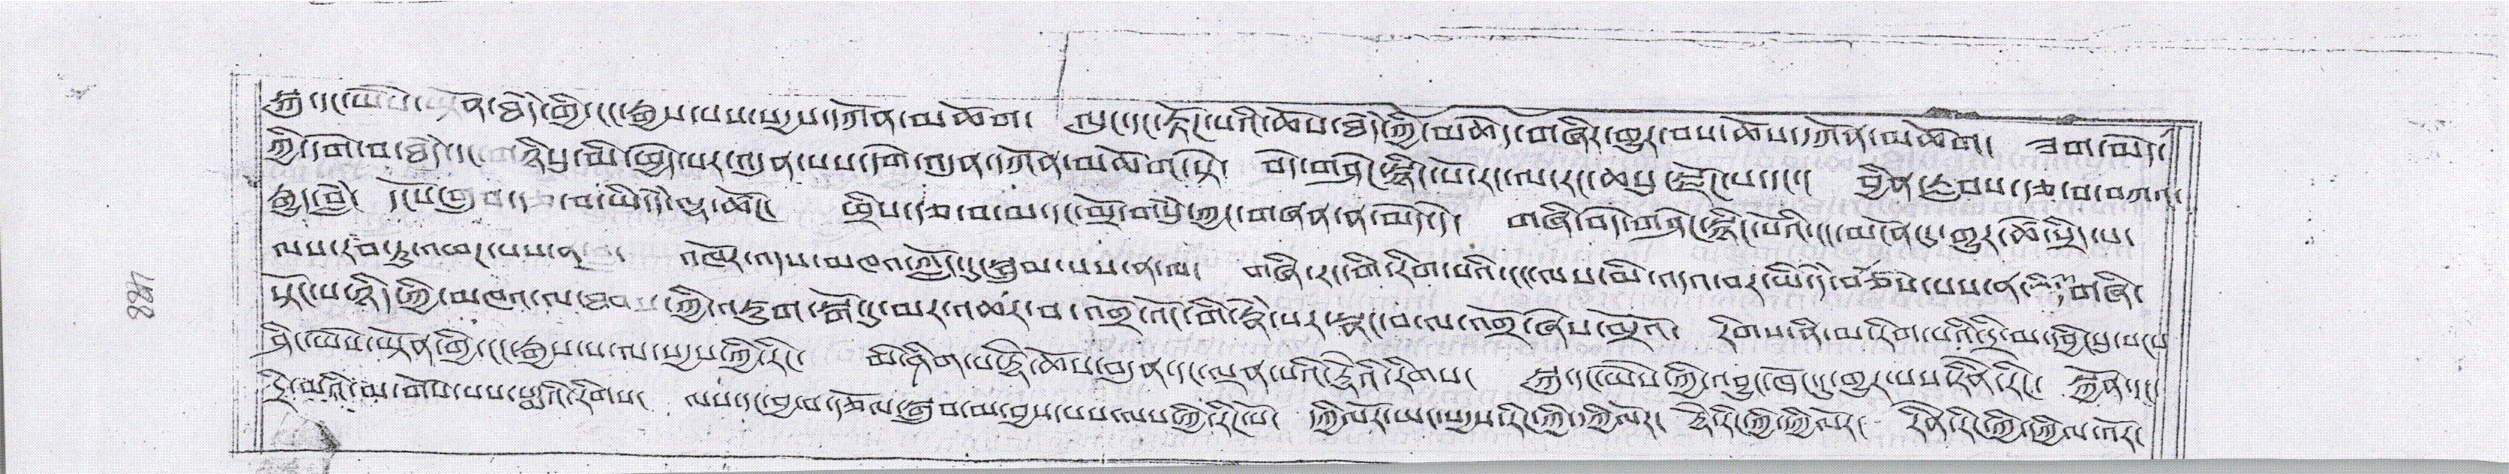སྐུ་དང་ཡེ་ཤེས་ཡོན་ཏན་ཐམས་ཅད་ཀྱི་ངང་རྒྱས་པས་སངས་རྒྱས་དཀོན་མཆོག ལུང་དང་རྟོགས་པའི་ཆོས་ཐམས་ཅད་ཀྱི་མཆེད་གཞིར་གྱུར་བས་ཆོས་དཀོན་མཆོག ཟག་མེད་
ཀྱི་དགེ་བ་ཐམས་ཅད་དང་གཉིས་སུ་མི་ཕྱེད་པར་འདུན་པས་དགེ་འདུན་དཀོན་མཆོག་སྟེ། བདེར་གཤེགས་སྙིང་པོ་རང་ལ་རང་ཆས་སུ་རྫོགས་པ་དང་། བྱིན་རླབས་རྩ་བ་བཀའ་
བརྒྱུད་བླ་མ། དངོས་གྲུབ་རྩ་བ་ཡི་དམ་ལྷ་ཚོགས། ཕྲིན་ལས་རྩ་བ་མ་དང་མཁའ་འགྲོ་གསུམ་ཡང་གཞན་ན་མེད་དེ། གཞི་བདེར་གཤེགས་སྙིང་པོའི་ངང་མངོན་དུ་གྱུར་ཚེ་སྲིད་པ་
ལས་རབ་ཏུ་འཕགས་པས་ན་བླ། འཁོར་འདས་མཁའ་ཀློང་དུ་སྦྲུམ་པས་ན་མ། གཞི་རང་གི་རིག་པའི་ངང་ལས་མི་འདའ་བར་ཡི་དམ་བཅས་པས་ན་ཡི་དམ། གཞི་
སྟོང་པ་ཉིད་ཀྱི་མཁའ་ལ་ཐབས་ཀྱི་འཇུག་སྒོ་དུ་མར་འཆར་བ་འགྲོ་འོང་གི་རྣམ་པར་སྣང་བ་ལ་འགྲོ་ཞེས་མཁའ་འགྲོའོ། རིགས་ནི་མ་རིག་པའི་དྲི་མ་དབྱིངས་སུ་སངས་
ཤིང་ཡེ་ཤེས་ཡོན་ཏན་གྱི་ངང་རྒྱས་པ་ལ་སངས་རྒྱས་ཀྱི་རིགས། མི་ཤིག་པ་རྡོ་རྗེ་ཆོས་བདུན་དང་ལྡན་པས་རྡོ་རྗེའི་རིགས། སྐུ་དང་ཡེ་ཤེས་ཀྱི་འབྱུང་ཁུངས་སུ་གྱུར་པས་རིན་ཆེན་རིགས། སྐྱོན་དང་
དྲི་མས་མ་གོས་པས་པདྨའི་རིགས། ལས་དང་བྱ་བ་རྩོལ་སྒྲུབ་མ་བྱས་པས་ལས་ཀྱི་རིགས་སོ། དཀྱིལ་འཁོར་ཡང་སངས་རྒྱས་རིགས་ཀྱི་དཀྱིལ་འཁོར། རྡོ་རྗེ་རིགས་ཀྱི་དཀྱིལ་འཁོར། རིན་ཆེན་རིགས་ཀྱི་དཀྱིལ་འཁོར།